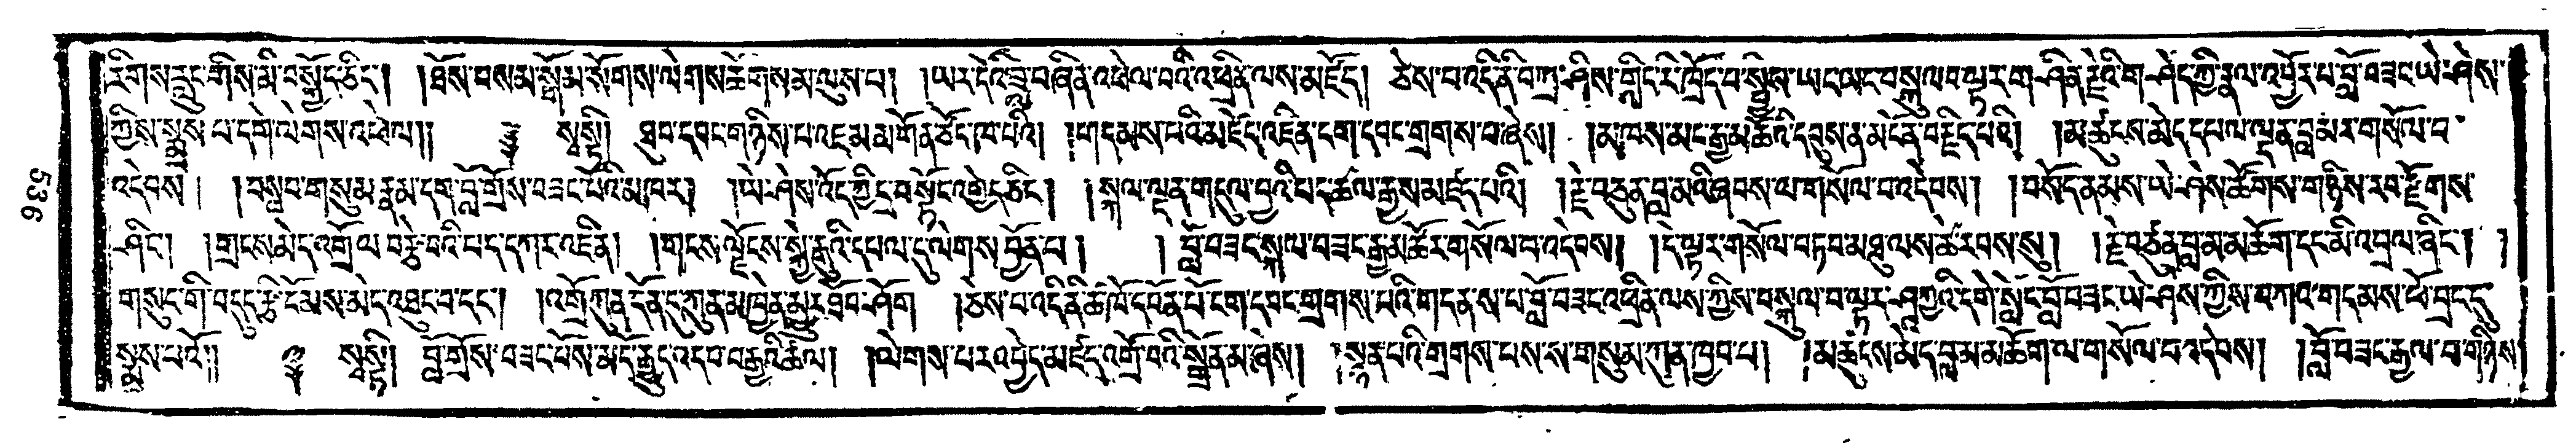རིགས་རླུང་གིས་མི་བསྐྱོད་ཅིང་། །ཐོས་བསམ་སྒོམ་སོགས་ལེགས་ཚོགས་མ་ལུས་པ། །ཡར་དེའི་ཟླ་བཞིན་འཕེལ་བའི་འཕྲིན་ལས་མཛོད། ཅེས་བ་འདི་ནི་བཀྲ་ཤིས་གླིང་རི་ཁྲོད་པ་སྤྱིས་ཡང་ཡང་བསྐུལ་བ་ལྟར་གཤིན་རྗེའི་གཤེད་ཀྱི་རྣལ་འབྱོར་པ་བློ་བཟང་ཡེ་ཤེས་
ཀྱིས་སྨྲས་པ་དགེ་ལེགས་འཕེལ།། ༈ སྭསྟི། ཐུབ་དབང་གཉིས་པ་འཇམ་མགོན་ཙོང་ཁ་པའི། །གདམས་པའི་མཛེད་འཛིན་ངག་དབང་གྲགས་བ་ཞེས། །མཁས་མང་རྒྱ་མཚོའི་དབུས་ན་མངོན་བརྗིད་པའི། །མཚུངས་མེད་དཔལ་ལྡན་བླ་མར་གསོལ་བ་
འདེབས། །བསླབ་གསུམ་རྣམ་དག་བློ་གྲོས་བཟང་པོའི་མཁར། །ཡེ་ཤེས་འོད་ཀྱི་དྲ་བ་སྟོང་འགྱེད་ཅིང་། །སྐལ་ལྡན་གདུལ་བྱའི་པད་ཚལ་རྒྱས་མཛད་པའི། །རྗེ་བཙུན་བླ་མའི་ཞབས་ལ་གསོལ་བ་འདེབས། །བསོད་ནམས་ཡེ་ཤེས་ཚོགས་གཉིས་རབ་རྫོགས་
ཤིང་། །གྲངས་མེད་འགྲོ་ལ་བརྩེ་བའི་པད་དཀར་འཛིན། །གངས་ལྗོངས་སྐྱེ་རྒྱུའི་དཔལ་དུ་ལེགས་བྱོན་པ། །བློ་བཟང་སྐལ་བཟང་རྒྱ་མཚོར་གསོལ་བ་འདེབས། །དེ་ལྟར་གསོལ་བཏབ་མཐུ་ལས་ཚེ་རབས་སུ། །རྗེ་བཙུན་བླ་མ་མཆོག་དང་མི་འབྲལ་ཞིང་། །
གསུང་གི་བདུད་རྩི་ངོམས་མེད་འཐུང་བ་དང་། །འགྲོ་ཀུན་དོན་དུ་ཀུན་མཁྱེན་མྱུར་ཐོབ་ཤོག །ཅེས་པ་འདི་ནི་ཚ་ཁོ་དཔོན་པོ་ངག་དབང་གྲགས་པའི་གདན་ས་པ་བློ་བཟང་འཕྲིན་ལས་ཀྱིས་བསྐུལ་བ་ལྟར་ཤཱཀྱའི་དགེ་སློང་བློ་བཟང་ཡེ་ཤེས་ཀྱིས་བཀའ་གདམས་ཕོ་བྲང་དུ་
སྨྲས་པའོ།། ༈ སྭསྟི། བློ་གྲོས་བཟང་པོས་མདོ་རྒྱུད་འདབ་བརྒྱའི་ཚལ། །ལེགས་པར་འབྱེད་མཛད་འགྲོ་བའི་སྒྲོན་མ་ཞེས། །སྙན་པའི་གྲགས་པས་ས་གསུམ་ཀུན་ཁྱབ་པ། །མཚུངས་མེད་བླ་མ་མཆོག་ལ་གསོལ་བ་འདེབས། །བློ་བཟང་རྒྱལ་བ་གཉིས་